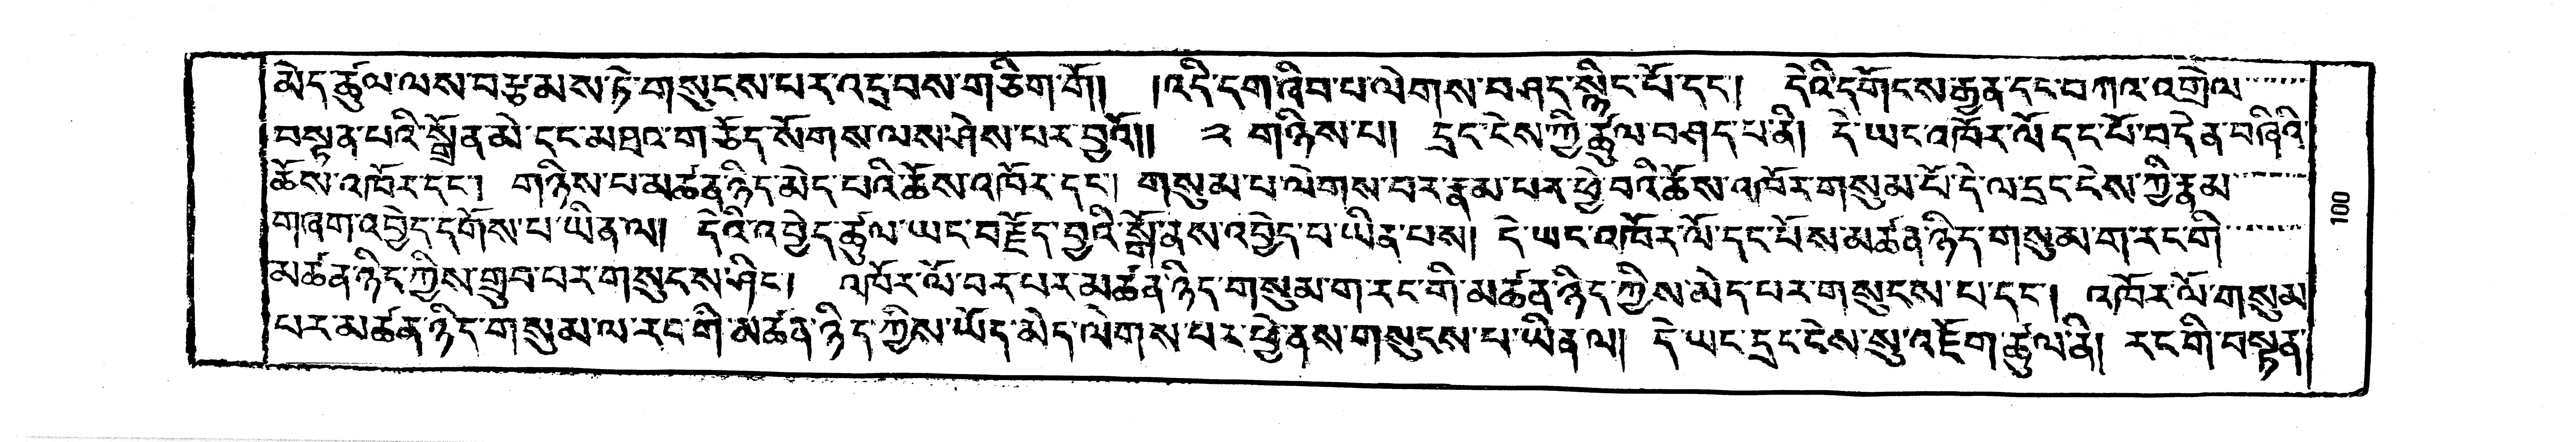མེད་ཚུལ་ལས་བརྩམས་ཏེ་གསུངས་པར་འདྲ་བས་གཅིག་གོ། །འདི་དག་ཞིབ་པ་ལེགས་བཤད་སྙིང་པོ་དང་། དེའི་དགོངས་རྒྱན་དང་བཀའ་འགྲེལ་
བསྟན་པའི་སྒྲོན་མེ་དང་མཐའ་གཅོད་སོགས་ལས་ཤེས་པར་བྱའོ།། ༢་གཉིས་པ། དྲང་ངེས་ཀྱི་ཚུལ་བཤད་པ་ནི། དེ་ཡང་འཁོར་ལོ་དང་པོ་བདེན་བཞིའི་
ཆོས་འཁོར་དང་། གཉིས་པ་མཚན་ཉིད་མེད་པའི་ཆོས་འཁོར་དང་། གསུམ་པ་ལེགས་པར་རྣམ་པར་ཕྱེ་བའི་ཆོས་འཁོར་གསུམ་པོ་དེ་ལ་དྲང་ངེས་ཀྱི་རྣམ་
གཞག་འབྱེད་དགོས་པ་ཡིན་ལ། དེའི་འབྱེད་ཚུལ་ཡང་བརྗོད་བྱའི་སྒོ་ནས་འབྱེད་པ་ཡིན་པས། དེ་ཡང་འཁོར་ལོ་དང་པོས་མཚན་ཉིད་གསུམ་ག་རང་གི་
མཚན་ཉིད་ཀྱིས་གྲུབ་པར་གསུངས་ཤིང་། འཁོར་ལོ་བར་པར་མཚན་ཉིད་གསུམ་ག་རང་གི་མཚན་ཉིད་ཀྱིས་མེད་པར་གསུངས་པ་དང་། འཁོར་ལོ་གསུམ་
པར་མཚན་ཉིད་གསུམ་ལ་རང་གི་མཚན་ཉིད་ཀྱིས་ཡོད་མེད་ལེགས་པར་ཕྱེ་ནས་གསུངས་པ་ཡིན་ལ། དེ་ཡང་དྲང་ངེས་སུ་འཇོག་ཚུལ་ནི། རང་གི་བསྟན་